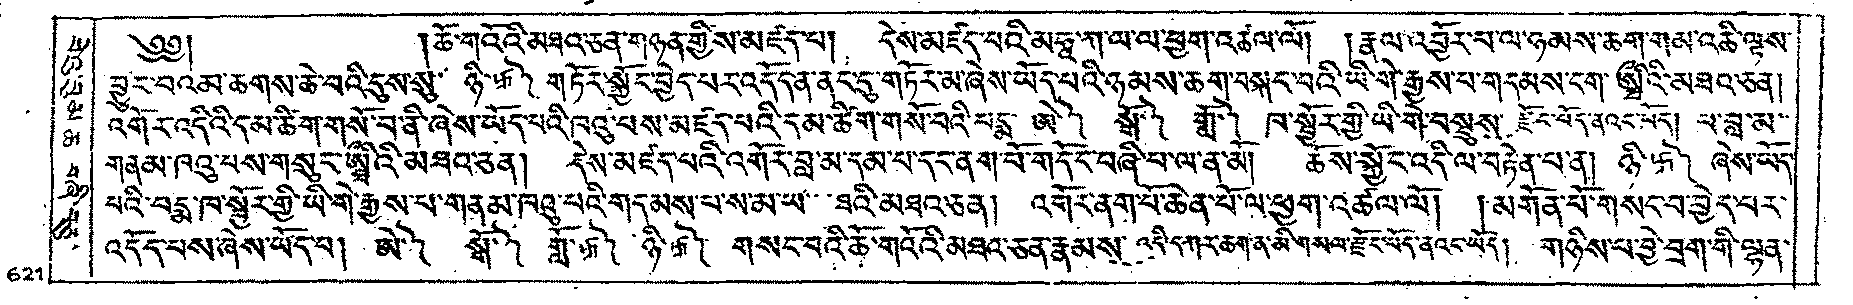༄༅། །ཆོ་གའོའི་མཐའ་ཅན་གཉན་གྱིས་མཛད་པ། དེས་མཛད་པའི་མཧཱ་ཀ་ལ་ལ་ཕྱག་འཚལ་ལོ། །རྣལ་འབྱོར་པ་ལ་ཉམས་ཆག་གམ་འཆི་ལྟས་
བྱུང་བའམ་ཆགས་ཆེ་བའི་དུས་སུ་ཉི~྾?་གཏོར་སྐྱོང་བྱེད་པར་འདོད་ན་ནང་དུ་གཏོར་མ་ཞེས་ཡོད་པའི་ཉམས་ཆག་བསྐང་བའི་ཡི་གེ་རྒྱས་པ་གདམས་ངག་ཨྀཐིའི་མཐའ་ཅན།
འགོར་འདིའི་དམ་ཚིག་གསོ་བ་ནི་ཞེས་ཡོད་པའི་ཁའུ་པས་མཛད་པའི་དམ་ཚིག་གསོ་བའི་པདམ་ཨ྄ེ་སྒ྄ོ་གླ྄ོ་ཁ་སྦྱོར་གྱི་ཡི་གེ་བསྡུས་རྫོང་པོད་ནའང་ཡོད།  པ་བླ་མ་
གནམ་ཁའུ་པས་གསུང་ཨྀཐིའི་མཐའ་ཅན། དེས་མཛད་པའི་འགོར་བླ་མ་དམ་པ་དང་ནག་པོ་གདོང་བཞི་པ་ལ་ན་མོ། ཆོས་སྐྱོང་འདི་ལ་བརྟེན་པ་ན། ཉི~྾?་ཞེས་ཡོད་
པའི་པདམ་ཁ་སྦྱོར་གྱི་ཡི་གེ་རྒྱས་པ་གནམ་ཁའུ་པའི་གདམས་པ་ས་མ་ཡ་ཐའི་མཐའ་ཅན། འགོར་ནག་པོ་ཆེན་པོ་ལ་ཕྱག་འཚལ་ལོ། །མགོན་པོ་གསང་བ་བྱེད་པར་
འདོད་པས་ཞེས་ཡོད་པ། ཨ྄ེ་སྒ྄ོ་གློ~྾?་ཉི~྾?་གསང་བའི་ཆོ་གའོའི་མཐའ་ཅན་རྣམས་འདི་དཀར་ཆག་ན་མི་གསལ་རྫོང་པོད་ནའང་ཡོད།  གཉིས་པ་བྱེ་བྲག་གི་ལྷན་